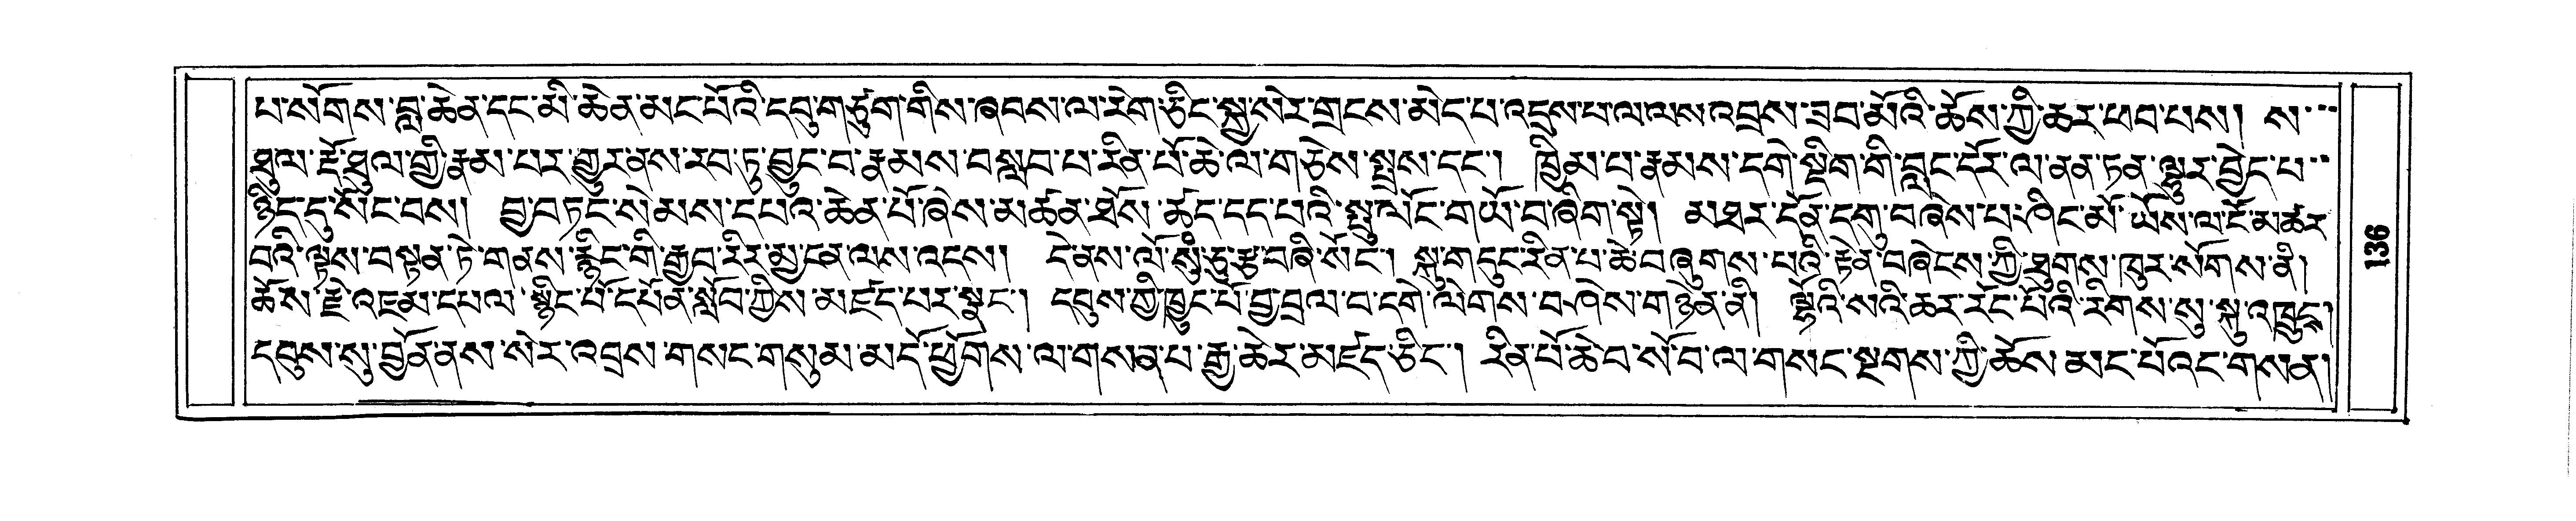པ་སོགས་བླ་ཆེན་དང་མི་ཆེན་མང་པོའི་དབུ་གཙུག་གིས་ཞབས་ལ་རེག་ཅིང་སྐྱ་སེར་གྲངས་མེད་པ་འདུས་པ་ལ་ལས་འབྲས་ཟབ་མོའི་ཆོས་ཀྱི་ཆར་ཕབ་པས། ས་
ཐུ་ལ་རྡོ་ཐུལ་གྱི་རྣམ་པར་གྱུར་ནས་རབ་ཏུ་བྱུང་བ་རྣམས་བསླབ་པ་རིན་པོ་ཆེ་ལ་གཅེས་སྤྲས་དང་། ཁྱིམ་པ་རྣམས་དགེ་སྡིག་གི་བླང་དོར་ལ་ནན་ཏན་ལྷུར་བྱེད་པ་
ཉིད་དུ་སོང་བས། བྱ་བཏང་སེམས་དཔའ་ཆེན་པོ་ཞེས་མཚན་ཐོས་ཚད་དད་པའི་སྤུ་ལོང་གཡོ་བ་ཞིག་སྟེ། མཐར་དོན་དགུ་བཞེས་པ་ཤིང་མོ་ཡོས་ལ་ངོ་མཚར་
བའི་ལྟས་བསྟན་ཏེ་གནས་རྙིང་གི་རྒྱབ་རིར་མྱ་ངན་ལས་འདས། དེ་ནས་ལོ་སུཾ་ཅུ་རྩ་བཞི་སོང་། སྐུ་གདུང་རིན་པ་ཆེ་བཞུགས་པའི་རྟེན་བཞེངས་ཀྱི་ཐུགས་ཁུར་སོགས་ནི།
ཆོས་རྗེ་འཇམ་དཔལ་སྙིང་པོ་དཔོན་སློབ་ཀྱིས་མཛད་པར་སྣང་། དབུས་ཀྱི་ཁྱུང་པོ་བྱ་བྲལ་བ་དགེ་ལེགས་བཤེས་གཉེན་ནི། ལྷོའི་སའི་ཆར་རོང་པོའི་རིགས་སུ་སྐུ་འཁྲུངས།
དབུས་སུ་བྱོན་ནས་སེར་འབྲས་གསང་གསུམ་མདོ་ཕྱོགས་ལ་གསན་པ་རྒྱ་ཆེར་མཛད་ཅིང་། རིན་པོ་ཆེ་བ་སོ་བ་ལ་གསང་སྔགས་ཀྱི་ཆོས་མང་པོའང་གསན།